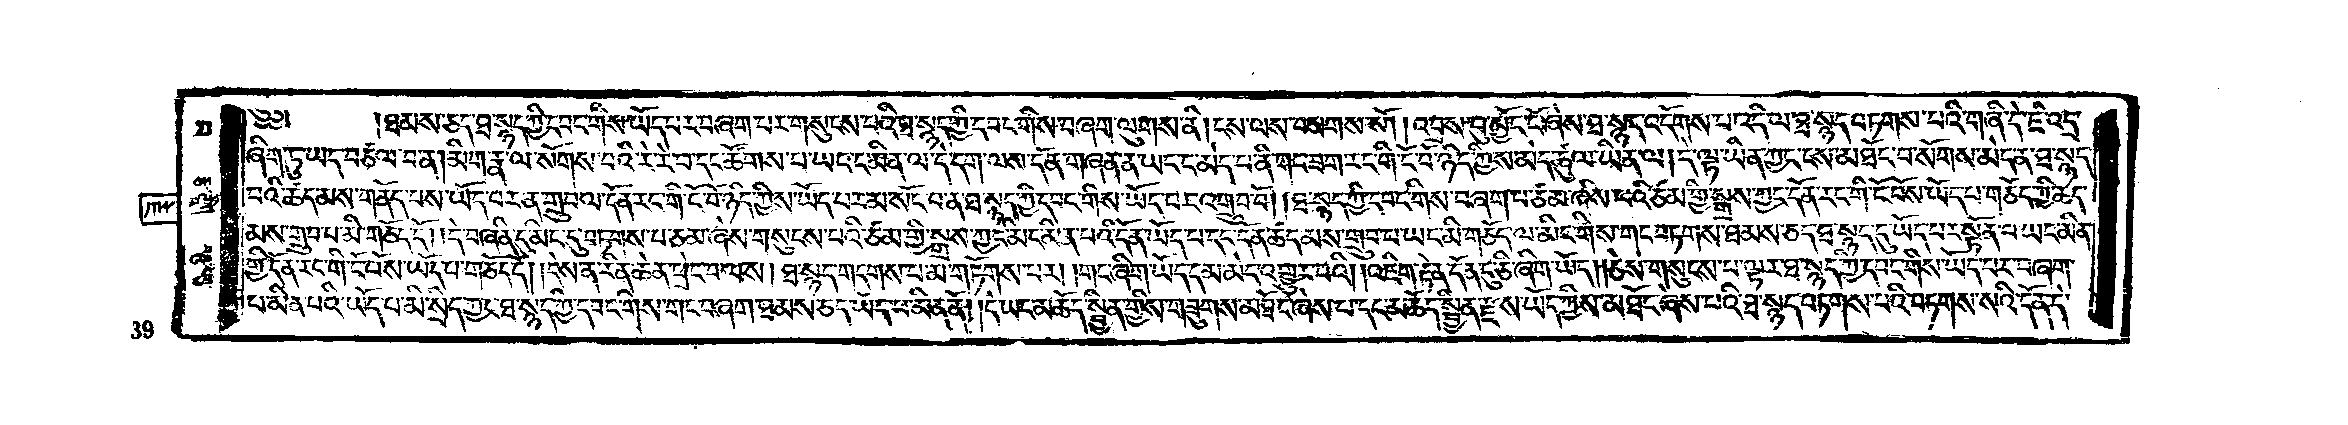༄༅། །ཐམས་ཅད་ཐ་སྙད་ཀྱི་དབང་གིས་ཡོད་པར་བཞག་པར་གསུངས་པའི་ཐ་སྙད་ཀྱི་དབང་གིས་བཞག་ལུགས་ནི། ངས་ལས་བསགས་སོ། །འབྲས་བུ་མྱོང་ངོ་ཞེས་ཐ་སྙད་འདོགས་པ་འདི་ལ་ཐ་སྙད་བཏགས་པའི་གཞི་དེ་ཇི་འདྲ་
ཞིག་ཏུ་ཡད་བཙལ་བ་ན། མིག་རྣ་ལ་སོགས་པའི་རེ་རེ་བ་དང་ཚོགས་པ་ཡང་ང་མིན་ལ་དེ་དག་ལས་དོན་གཞན་ན་ཡང་ང་མེ་དཔ་ནི་གནག་ཟག་རང་གི་ངོ་བོ་ཉིད་ཀྱིས་མེད་ཚུལ་ཡིན་ལ། དེ་ལྟ་ཡིན་ཀྱང་ངས་མཐོང་བ་སོགས་མེད་ན་ཐ་སྙད་
པའི་ཚད་མས་གནོད་པས་ཡོད་པར་ནི་གྲུབ་ལ་དོན་རང་གི་ངོ་བོ་ཉིད་ཀྱིས་ཡོད་པར་མ་སོང་བ་ན་ཐ་སྙད་ཀྱི་དབང་གིས་ཡོད་པར་འགྲུབ་བོ། །ཐ་སྙད་ཀྱི་དབང་གིས་བཞག་པ་ཙམ་ཞེས་པའི་ཙམ་གྱི་སྐྲས་ཀྱང་དོན་རང་གི་ངོ་བོས་ཡོད་པ་གཅོད་ཀྱི་ཚད་
མས་གྲུབ་པ་མི་གཅོད་དོ། །དེ་བཞིན་དུ་མིང་དུ་བཏགས་པ་ཙམ་ཞེས་གསུངས་པའི་ཙམ་གྱི་སྐྲས་ཀྱང་མང་མིན་པའི་དོན་ཡོད་པ་དང་དོན་ཚད་མས་གྲུབ་པ་ཡང་མི་གཅོད་ལ་མིང་གིས་གང་བཏགས་ཐམས་ཅད་ཐ་སྙད་དུ་ཡོད་པར་སྟོན་པ་ཡང་མིན་
གྱི་དོན་རང་གི་ངོ་བོས་ཡོད་པ་གཅོད་དོ། །དེས་ན་རིན་ཆེན་ཕྲེང་བ་ལས། ཐ་སྙད་གདགས་པ་མ་གཏོགས་པར། །གང་ཞིག་ཡོད་དམ་མེད་འགྱུར་བའི། །འཇིག་རྟེན་དོན་དུ་ཅི་ཞིག་ཡོད། །ཅེས་གསུངས་པ་ལྟར་ཐ་སྙད་ཀྱི་དབང་གིས་ཡོད་པར་བཞག་
པ་མིན་པའི་ཡོད་པ་མི་སྲིད་ཀྱང་ཐ་སྙད་ཀྱི་དབང་གིས་གང་བཟང་ཐམས་ཅད་ཡོད་པ་མིན་ནོ། །དེ་ཡང་མཆོད་སྦྱིན་གྱིས་གཟུགས་མཐོང་ཞེས་པ་དང་མཆོད་སྦྱིན་རྫས་ཡོད་ཀྱིས་མཐོང་ཞེས་པའི་ཐ་སྙད་བཏགས་པའི་བཏགས་སའི་དན་དེ་